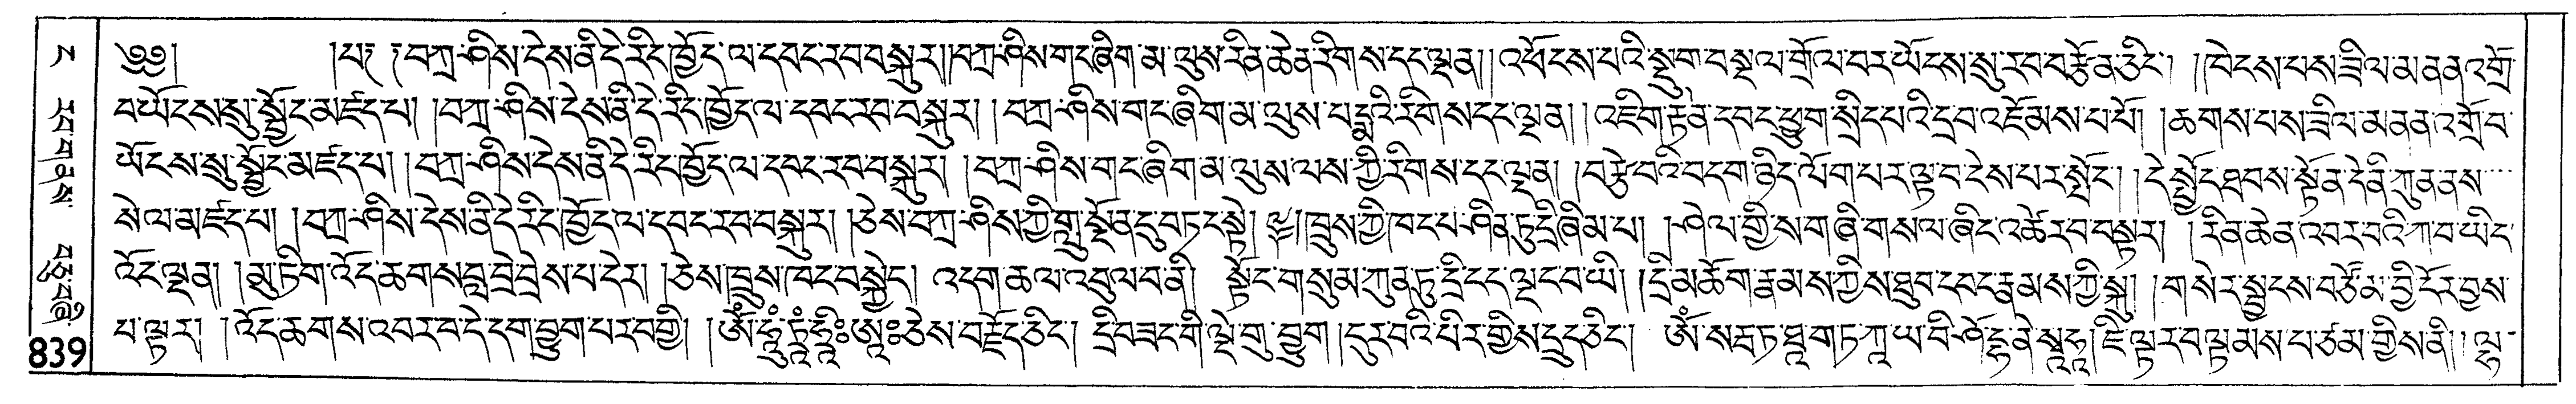༄༅། །པ། །བཀྲ་ཤིས་དེས་ནི་དེ་རིང་ཁྱོད་ལ་དབང་རབ་བསྐུར། །བཀྲ་ཤིས་གང་ཞིག་མ་ལུས་རིན་ཆེན་རིགས་དང་ལྡན། །འཕོངས་པའི་སྡུག་བསྔལ་གྲོལ་བར་ཡོངས་སུ་རབ་བརྩོན་ཅིང་། །ཁེངས་པས་ཟིལ་མནན་འགྲོ་
བ་ཡོངས་སུ་སྦྱོང་མཛད་པ། །བཀྲ་ཤིས་དེས་ནི་དེ་རིང་ཁྱོད་ལ་དབང་རབ་བསྐུར། །བཀྲ་ཤིས་གང་ཞིག་མ་ལུས་པདམའི་རིགས་དང་ལྡན། །འཇིག་རྟེན་དབང་ཕྱུག་སྲིད་པའི་དྲ་བ་འཇོམས་པ་པོ། །ཆགས་པས་ཟིལ་མནན་འགྲོ་བ་
ཡོངས་སུ་སྦྱོང་མཛད་པ། །བཀྲ་ཤིས་དེས་ནི་དེ་རིང་ཁྱོད་ལ་དབང་རབ་བསྐུར། །བཀྲ་ཤིས་གང་ཞིག་མ་ལུས་ལས་ཀྱི་རིགས་དང་ལྡན། །བརྩེ་བའི་བདག་ཉིད་ལོག་པར་ལྟ་བ་ངེས་པར་སྤོང་། །དེ་སྤྱོད་ཐབས་སྟོན་དེ་ནི་ཀུན་ནས་
སེལ་མཛད་པ། །བཀྲ་ཤིས་དེས་ནི་དེ་རིང་ཁྱོད་ལ་དབང་རབ་བསྐུར། །ཅེས་བཀྲ་ཤིས་ཀྱི་གླུ་སྔོན་དུ་བཏང་སྟེ། ༈ །ཁྲུས་ཀྱི་ཁང་པ་ཤིན་ཏུ་དྲི་ཞིམ་པ། །ཤེལ་གྱི་ས་གཞི་གསལ་ཞིང་འཚེར་བ་བསྟར། །རིན་ཆེན་འབར་བའི་ཀ་བ་ཡིད་
འོང་ལྡན། །མུ་ཏིག་འོད་ཆགས་བླ་བྲེ་བྲེས་པ་དེར། །ཅེས་ཁྲུས་ཁང་བསྐྱེད། འདག་ཆལ་འབུལ་བ་ནི། སྟོང་གསུམ་ཀུན་ཏུ་དྲི་ངད་ལྡང་བ་ཡི། །དྲི་མཆོག་རྣམས་ཀྱིས་ཐུབ་དབང་རྣམས་ཀྱི་སྐུ། །གསེར་སྦྱངས་བཙོ་མ་བྱི་དོར་བྱས་
པ་ལྟར། །འོད་ཆགས་འབར་བ་དེ་དག་བྱུག་པར་བགྱི། །ཨོཾ་ཧཱུཾ་ཏྲཱཾ་ཧྲཱིཿ ཨཱཿ ཅེས་བརྗོད་ཅིང་། དྲི་བཟང་གི་ལྡེ་གུ་བྱུག །དུར་བའི་པིར་གྱིས་དྲུད་ཅིང་། ཨོཾ་སརྦ་ཏ་ཐཱ་ག་ཏ་ཀཱ་ཡ་བི་ཤོ་དྷ་ནེ་སྭཱཧཱ། ཇི་ལྟར་བལྟམས་པ་ཙམ་གྱིས་ནི། །ལྷ་